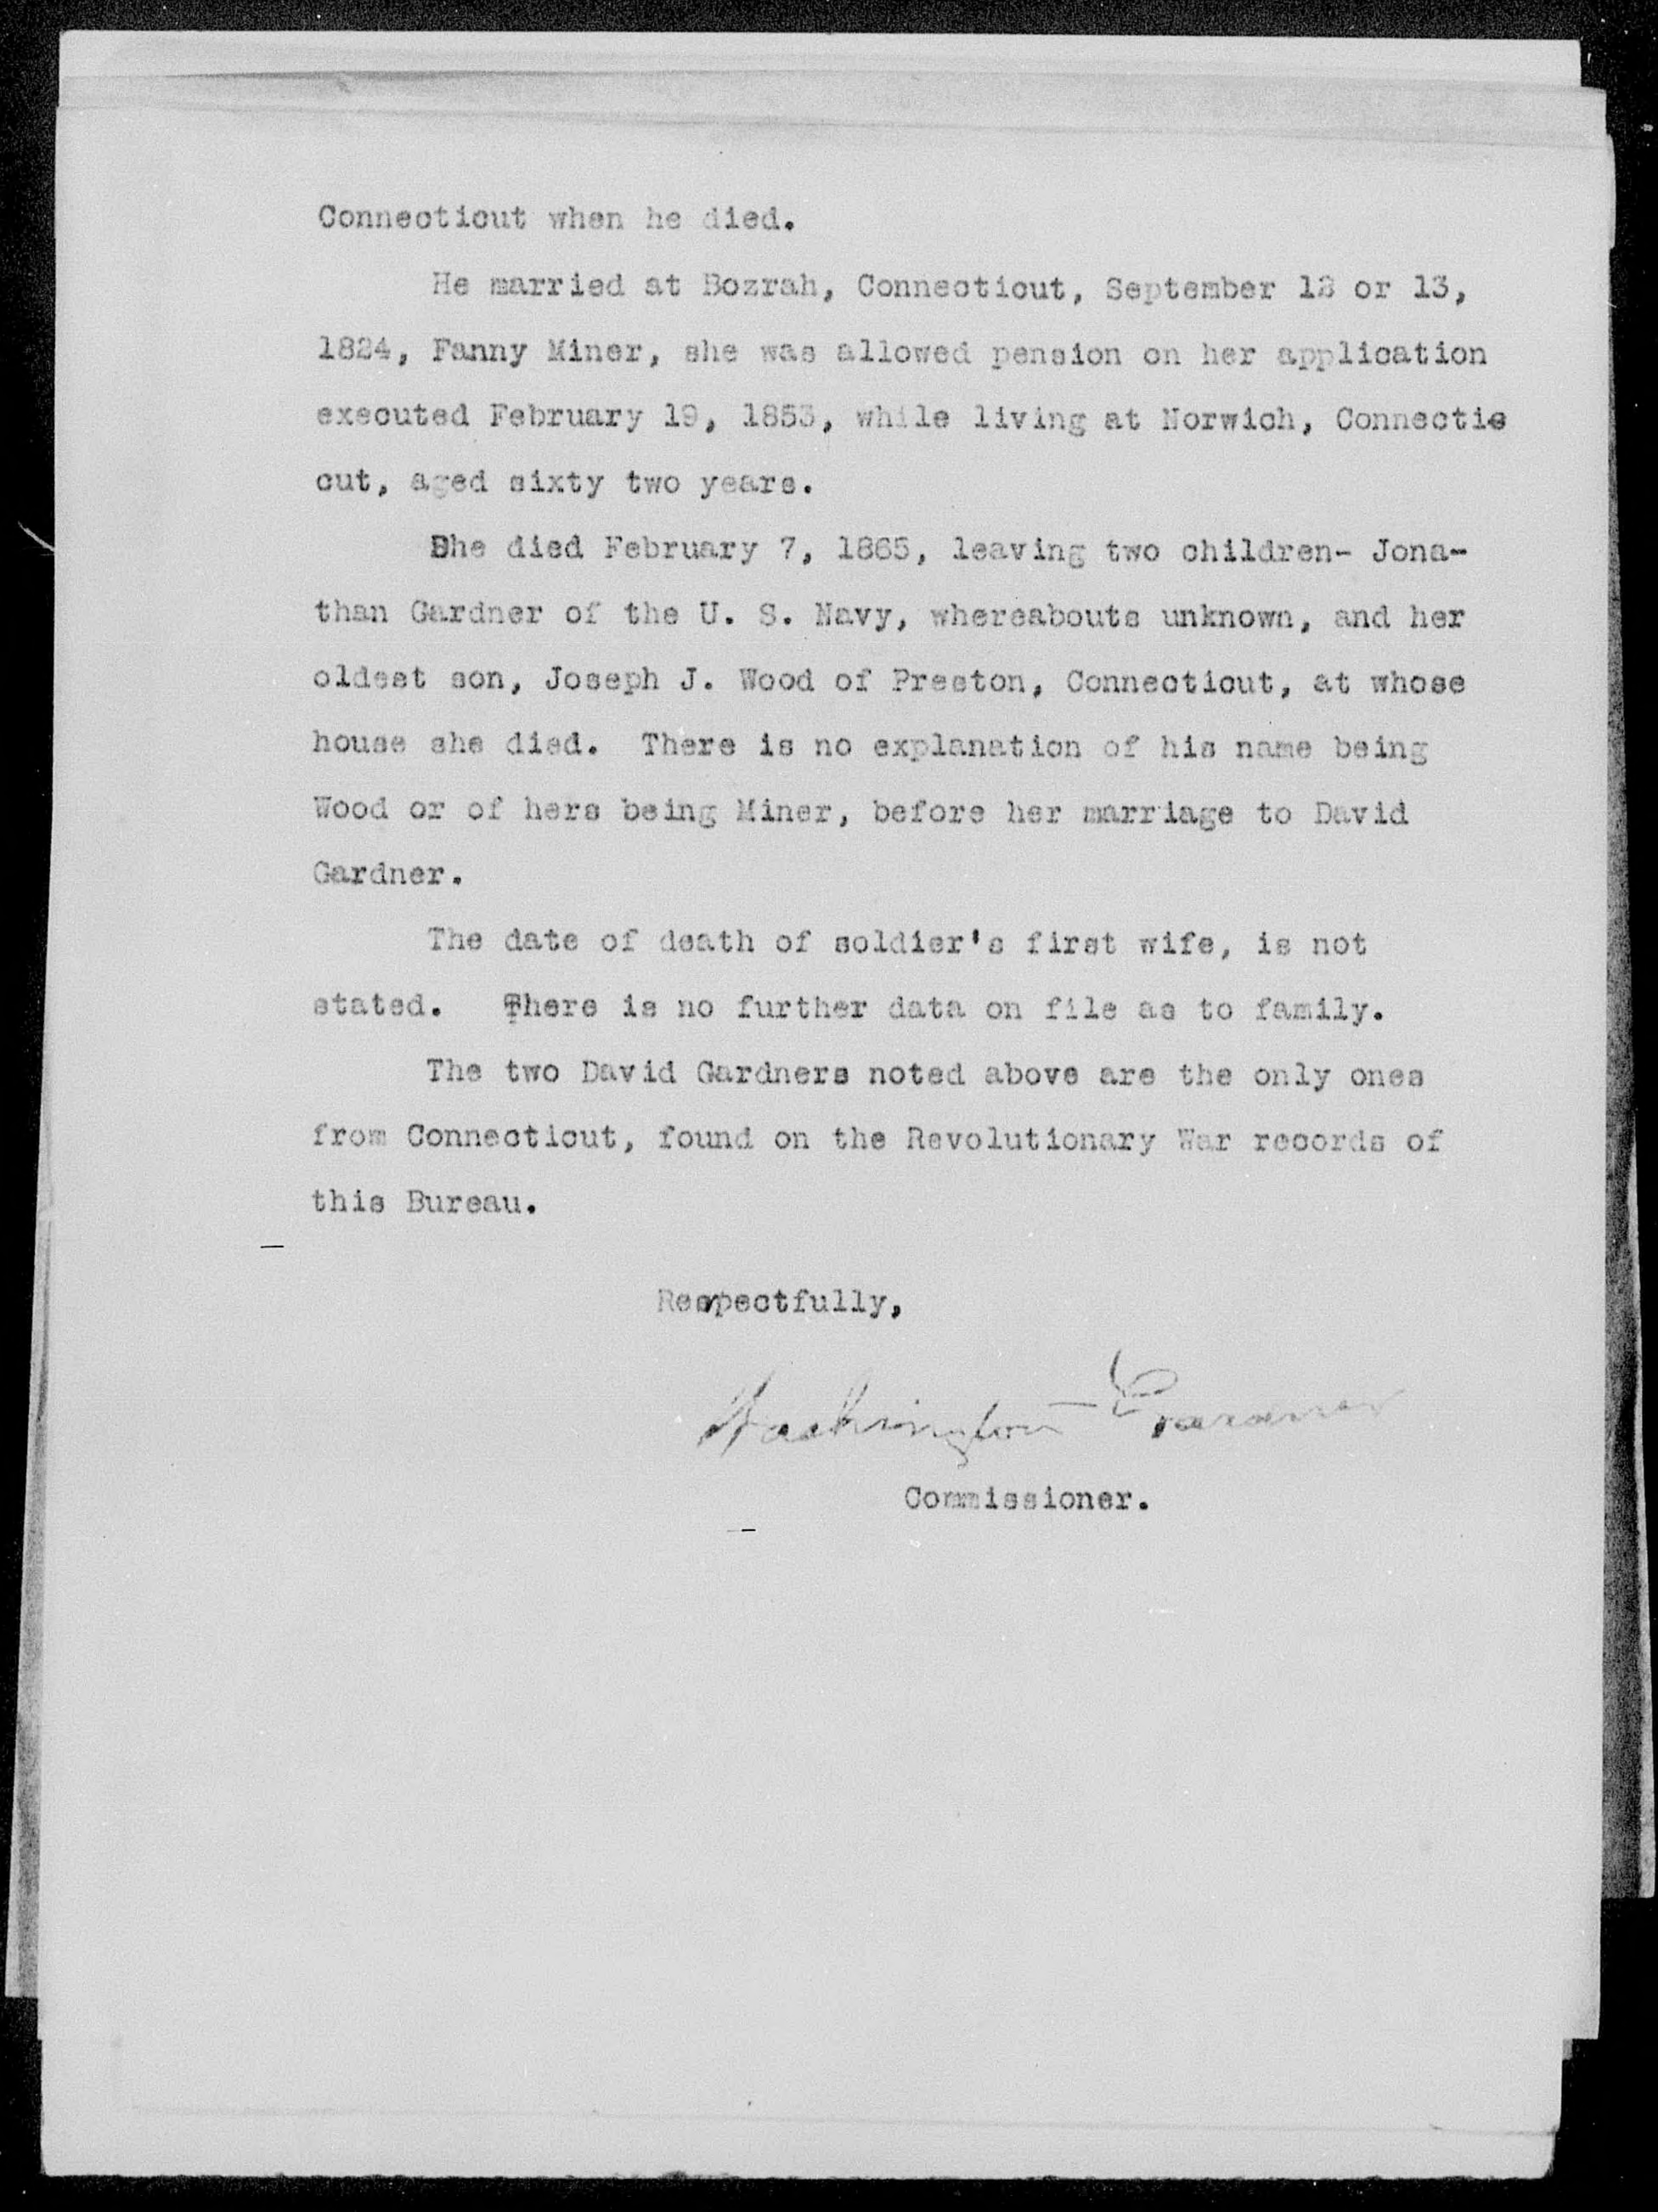Connecticut when he died.
He married at Bozrah, Connecticut, September 12 or 13, 1824, Fanny Miner, she was allowed pension on her application executed February 19, 1853, while living at Norwich, Connecticut, aged sixty two years.
She died February 7, 1865, leaving two children, Jonathan Gardner of the U. S. Navy, whereabouts unknown, and her oldest son, Joseph J. Wood of Preston, Connecticut, at whose house she died There is no explanation of his name being Wood or of hers being Miner, before her marriage to David Gardner.
The date of death of soldier's first wife, is not stated. There is no further data on file as to family.
The two David Gardners noted above are the only ones from Connecticut, found on the Revolutionary War records of this Bureau.
Respectfully,
Washington Gardner
Commissioner.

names: Washington Gardner, Miner, David Gardner, Wood, Joseph J Wood, Jonathan Gardner, David Gardners, Fanny Miner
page: 31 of 66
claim: widow's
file: W 1850, David Gardner, Conn.